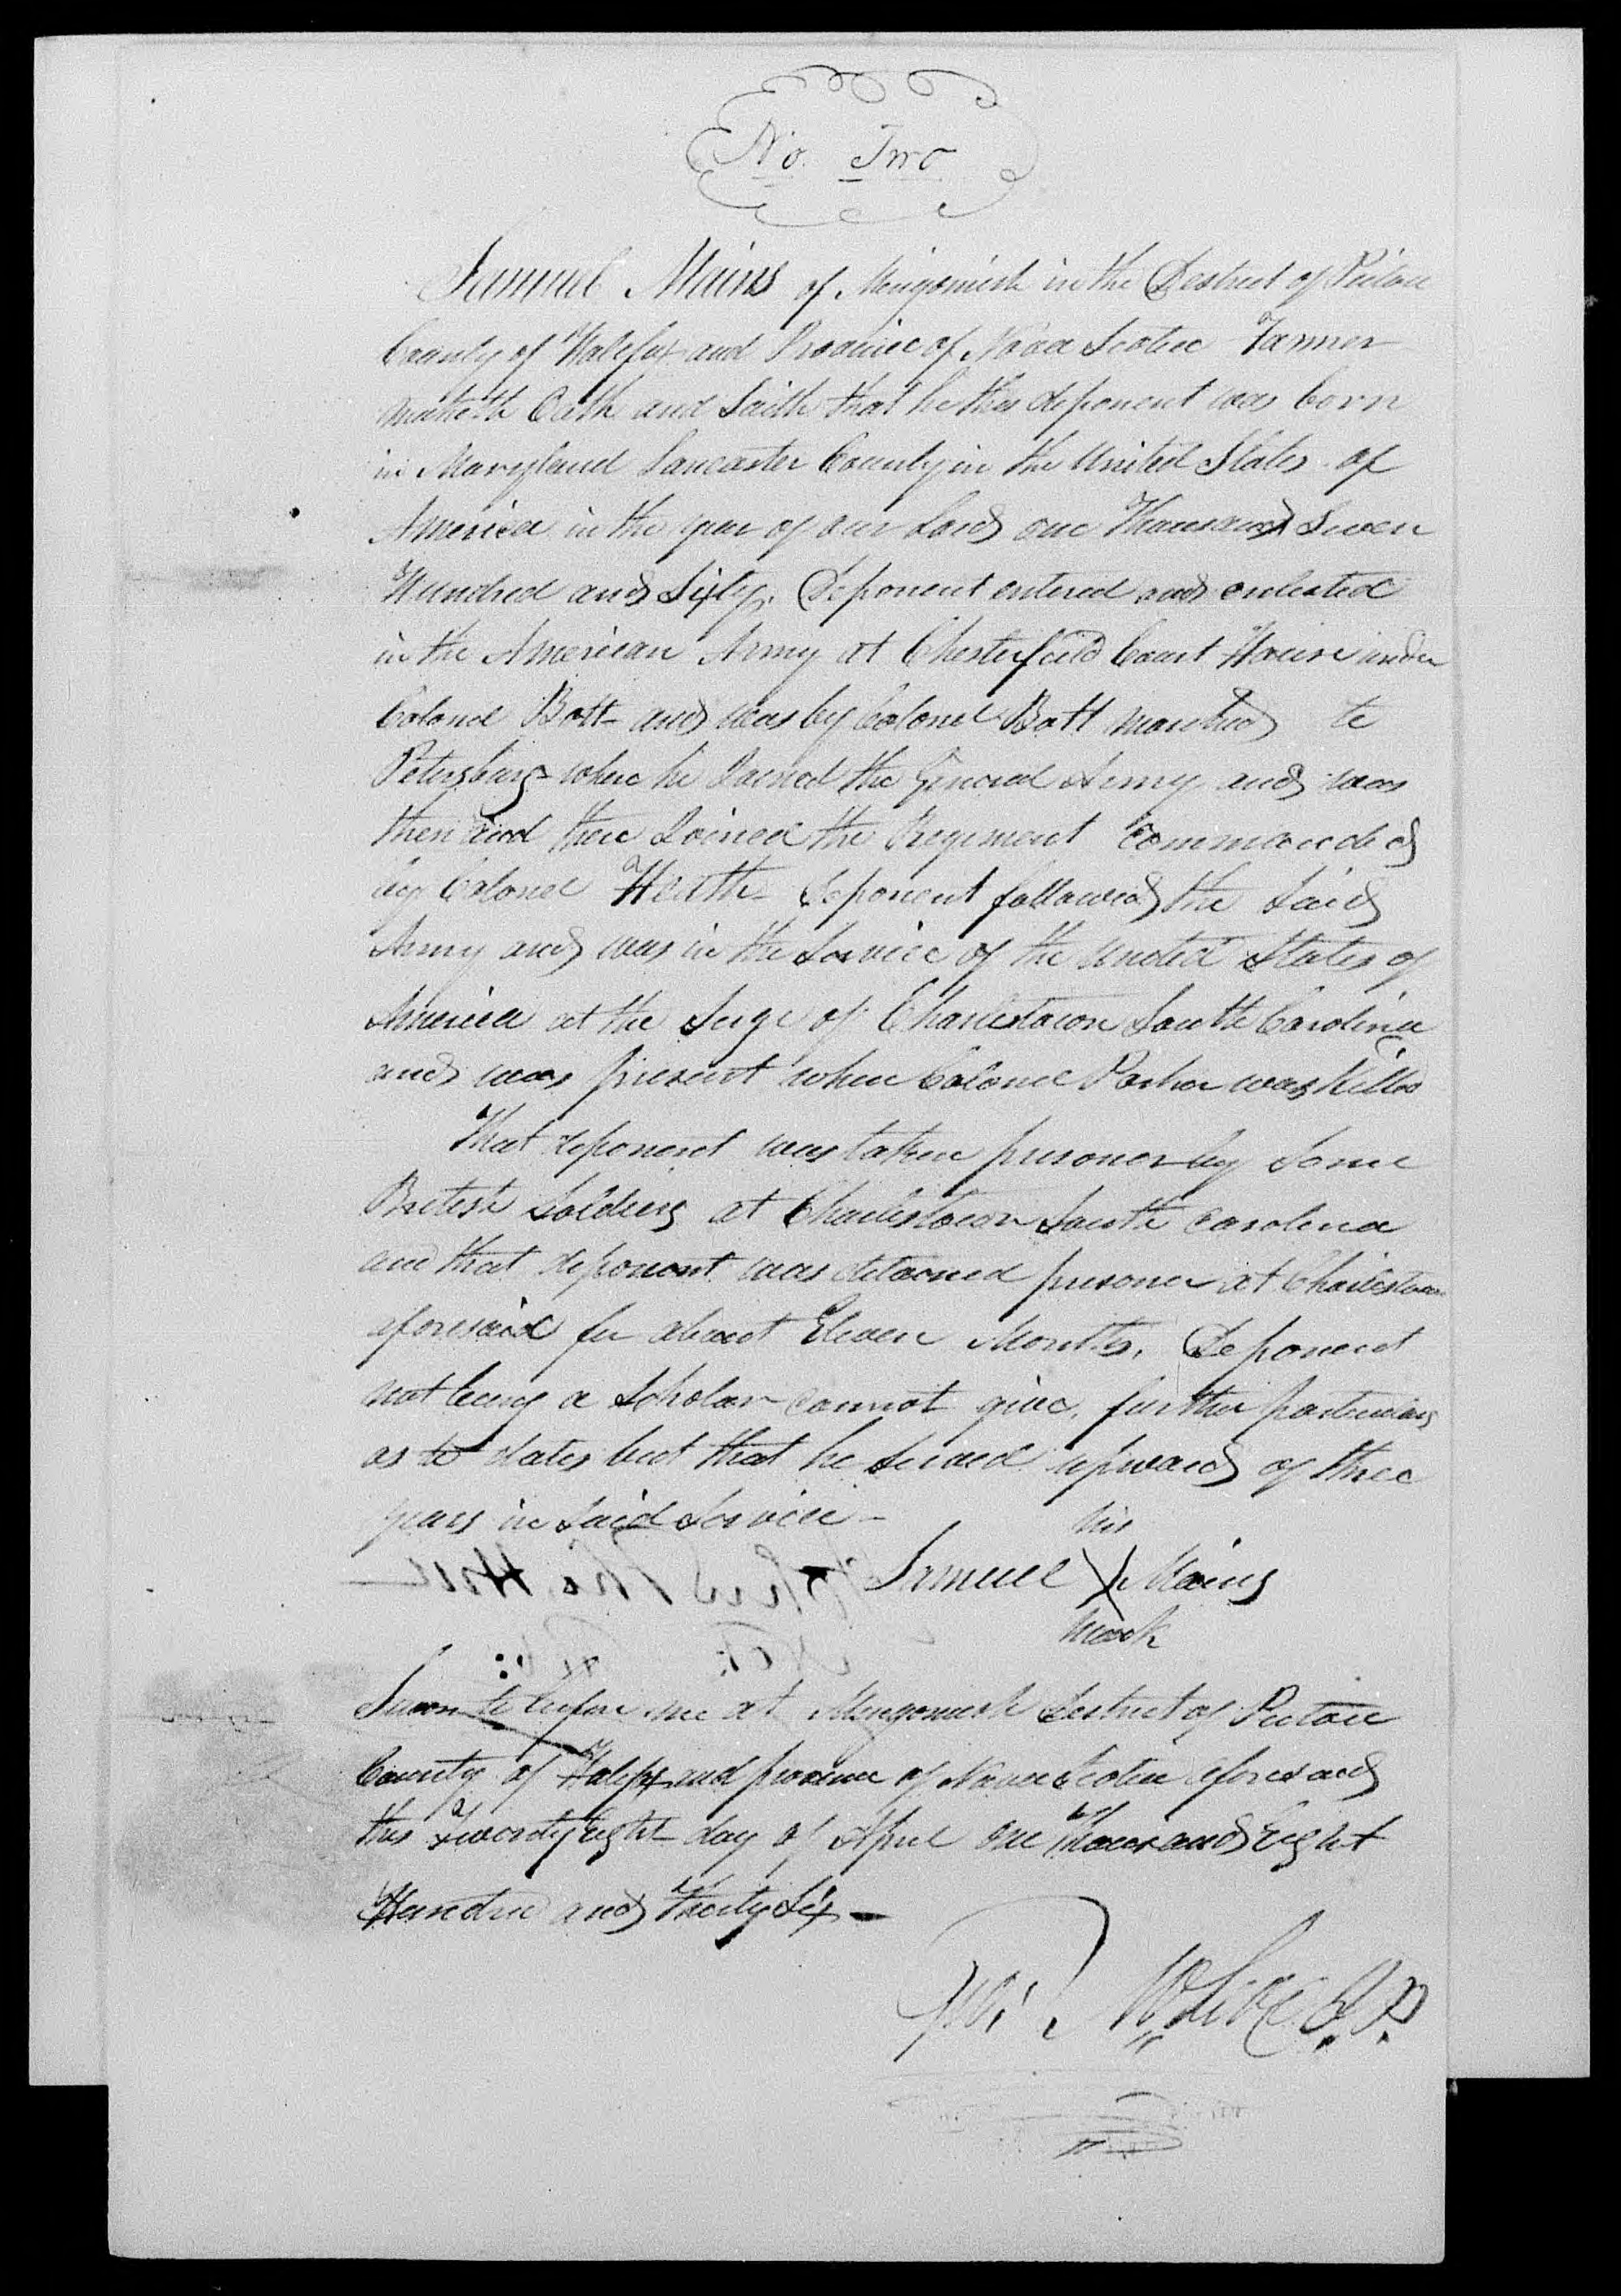[hand drawn cloud around the words: No: Two]

Samuel Mains of Anogonish in the District of Pictou
County of Halifax and Province of Nova Scotia Farmer
maketh oath and Saith that he the deponent was born
in Maryland Lancaster County in the United States of
America in the year of our Lord one Thousand Seven
Hundred and Sixty. Deponent entered and enlisted
in the American Army at Chesterfield Court House under
Colonel Batt and was by Colonel Batt marched to
Petersburg where he joined the General Army and was
then and there joined the Regiment commanded of
by Colonel Heather Deponent followed the Said
Army and was in the Service of the United States of
America at the Seige [Siege] of Charlestown South Carolina
and was present when Colonel Parker was killed

That deponent was taken prisoner by some
British Soldiers at Charlestown South Carolina
and that deponent was detained prisoner at Charlestown
aforesaid for about Eleven months, Deponent
not being a Scholar cannot give further particulars
as to dates but that he served upwards of three
years in said service. 
Samuel X ^his mark^ Mains

Sworn to before me at Anogonish District of Pataic
County of Halifax and province of Nova Scotia aforesaid
this Twenty Eight day of April one thousand Eight
Hundred and Thirty Six
[illegible signature] J.P.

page: 7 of 11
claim: rejected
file: R 6837, for Samuel Mains, Maryland